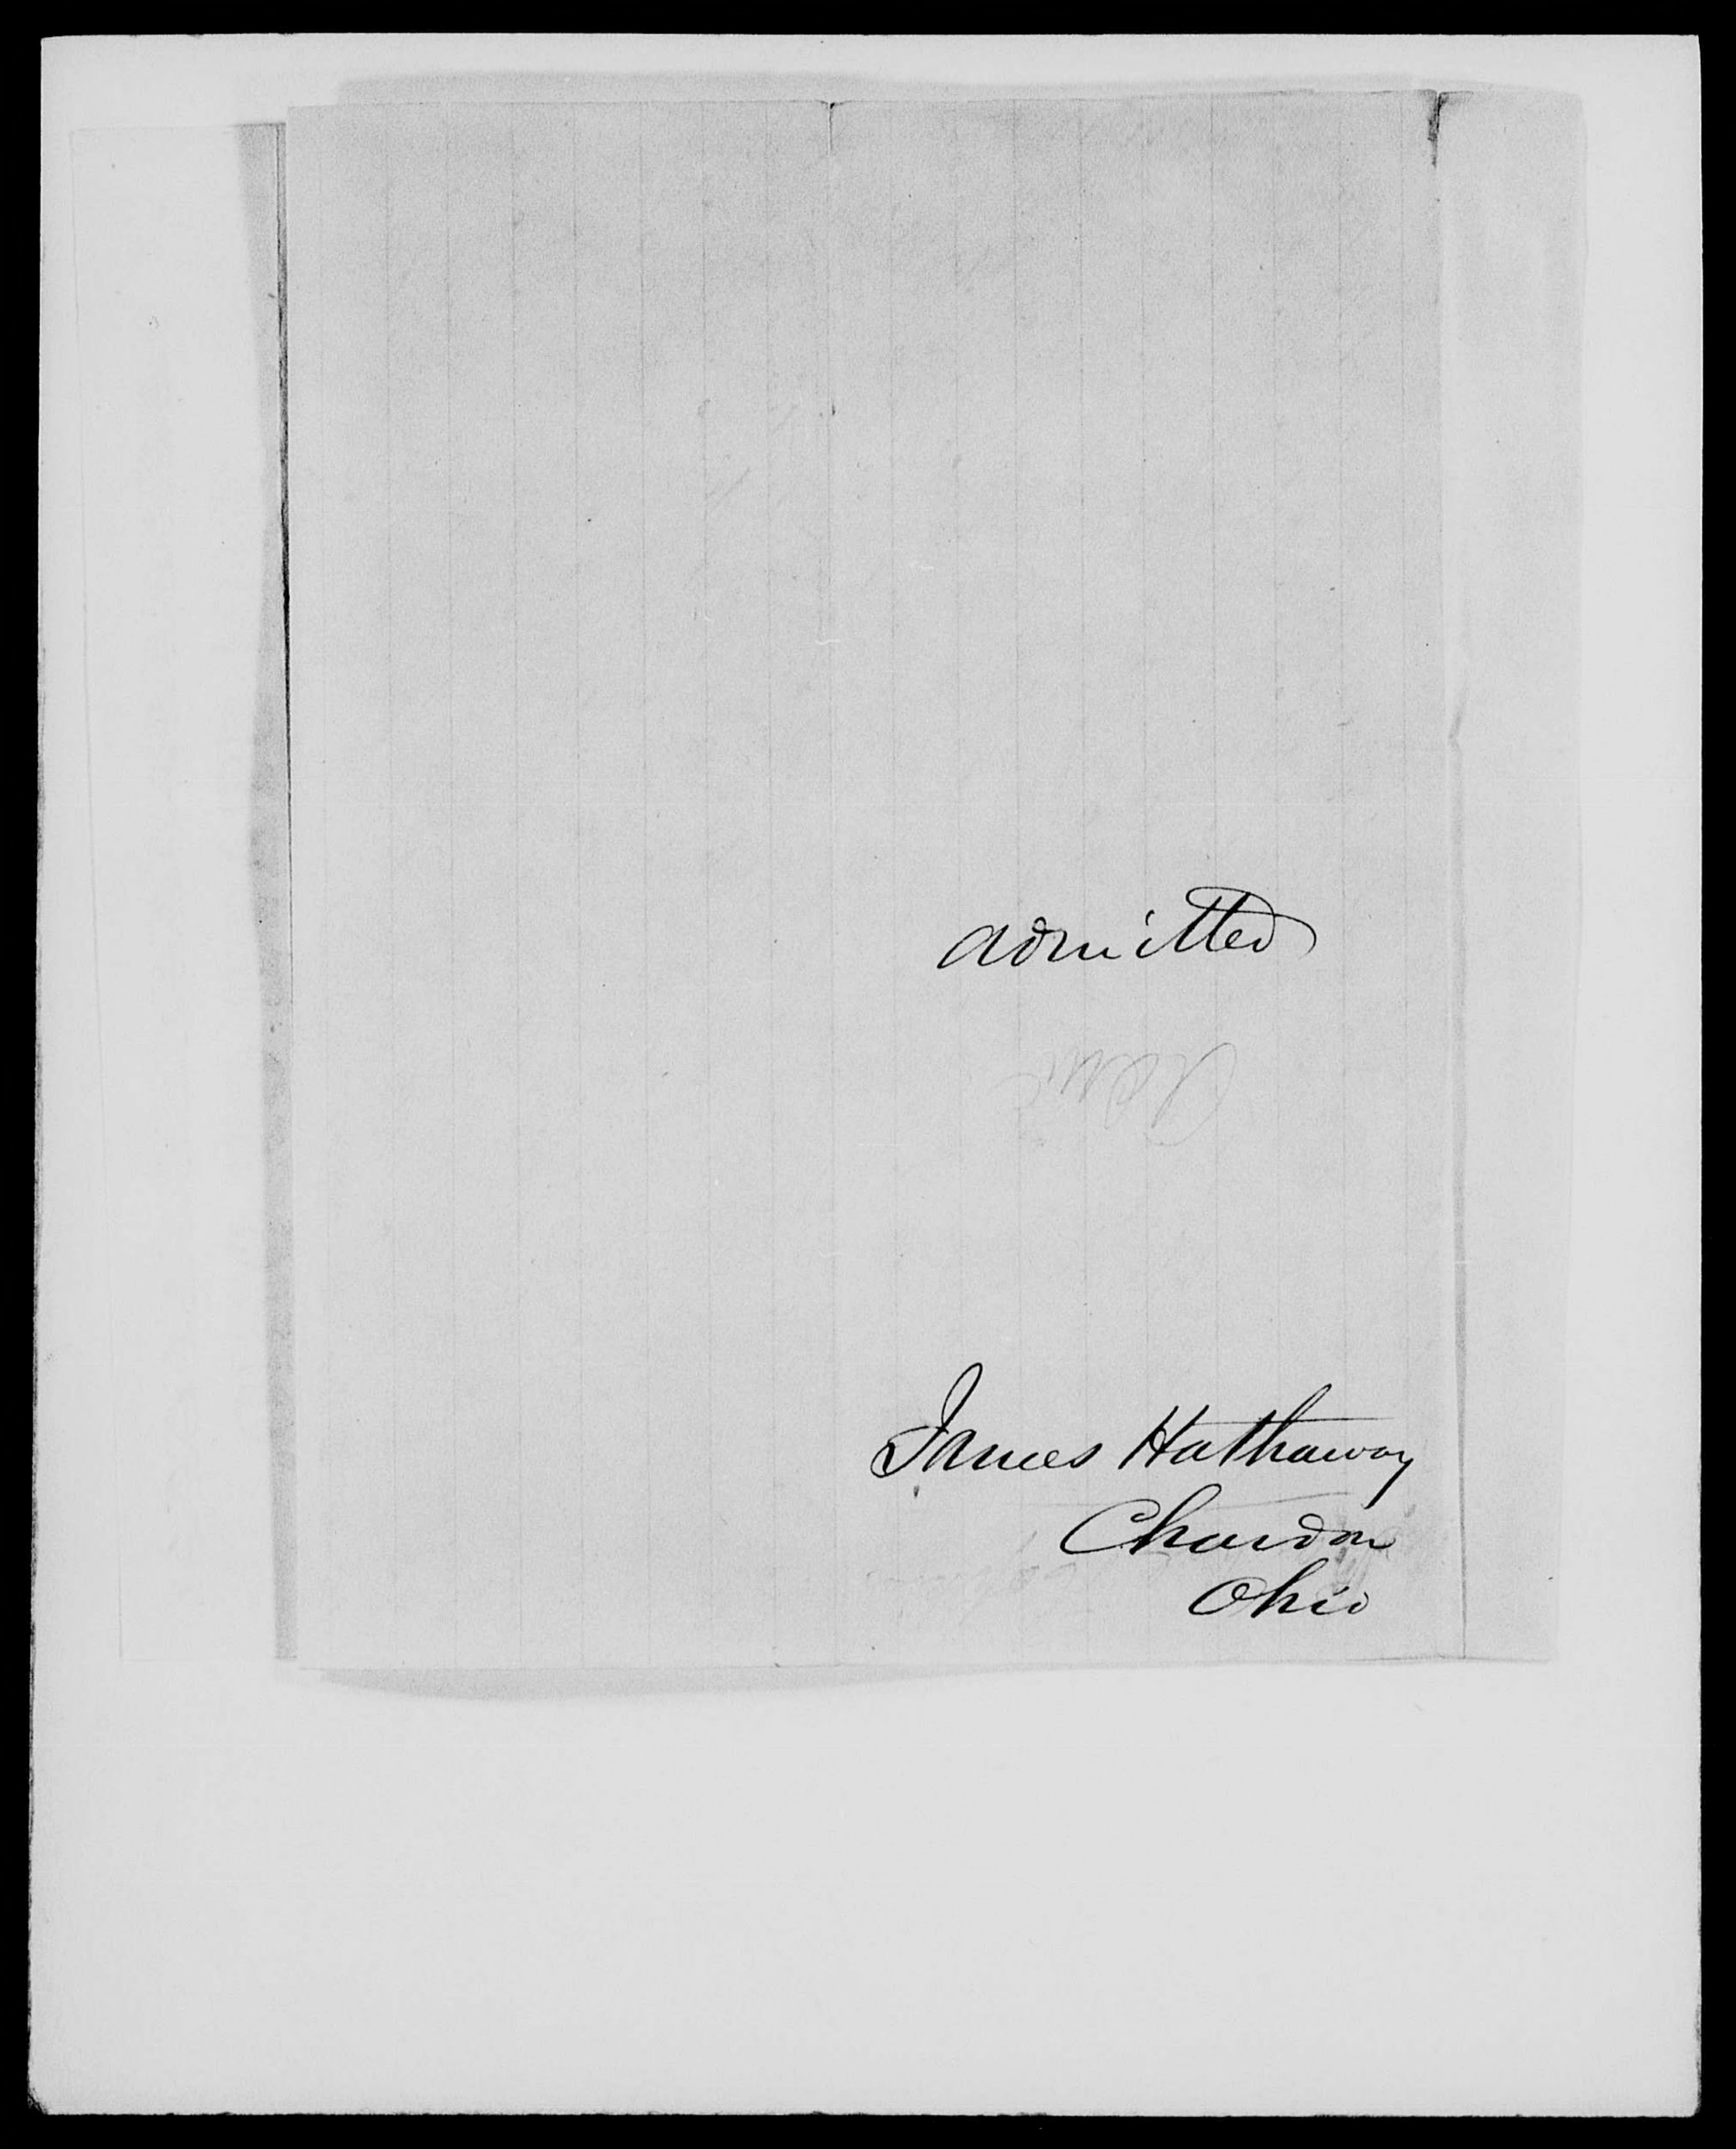Admitted

James
Hathaway
Chardon
Ohio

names: James Hathaway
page: 115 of 144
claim: rejected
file: R. 5208, Dennis Hopkins, N.C.